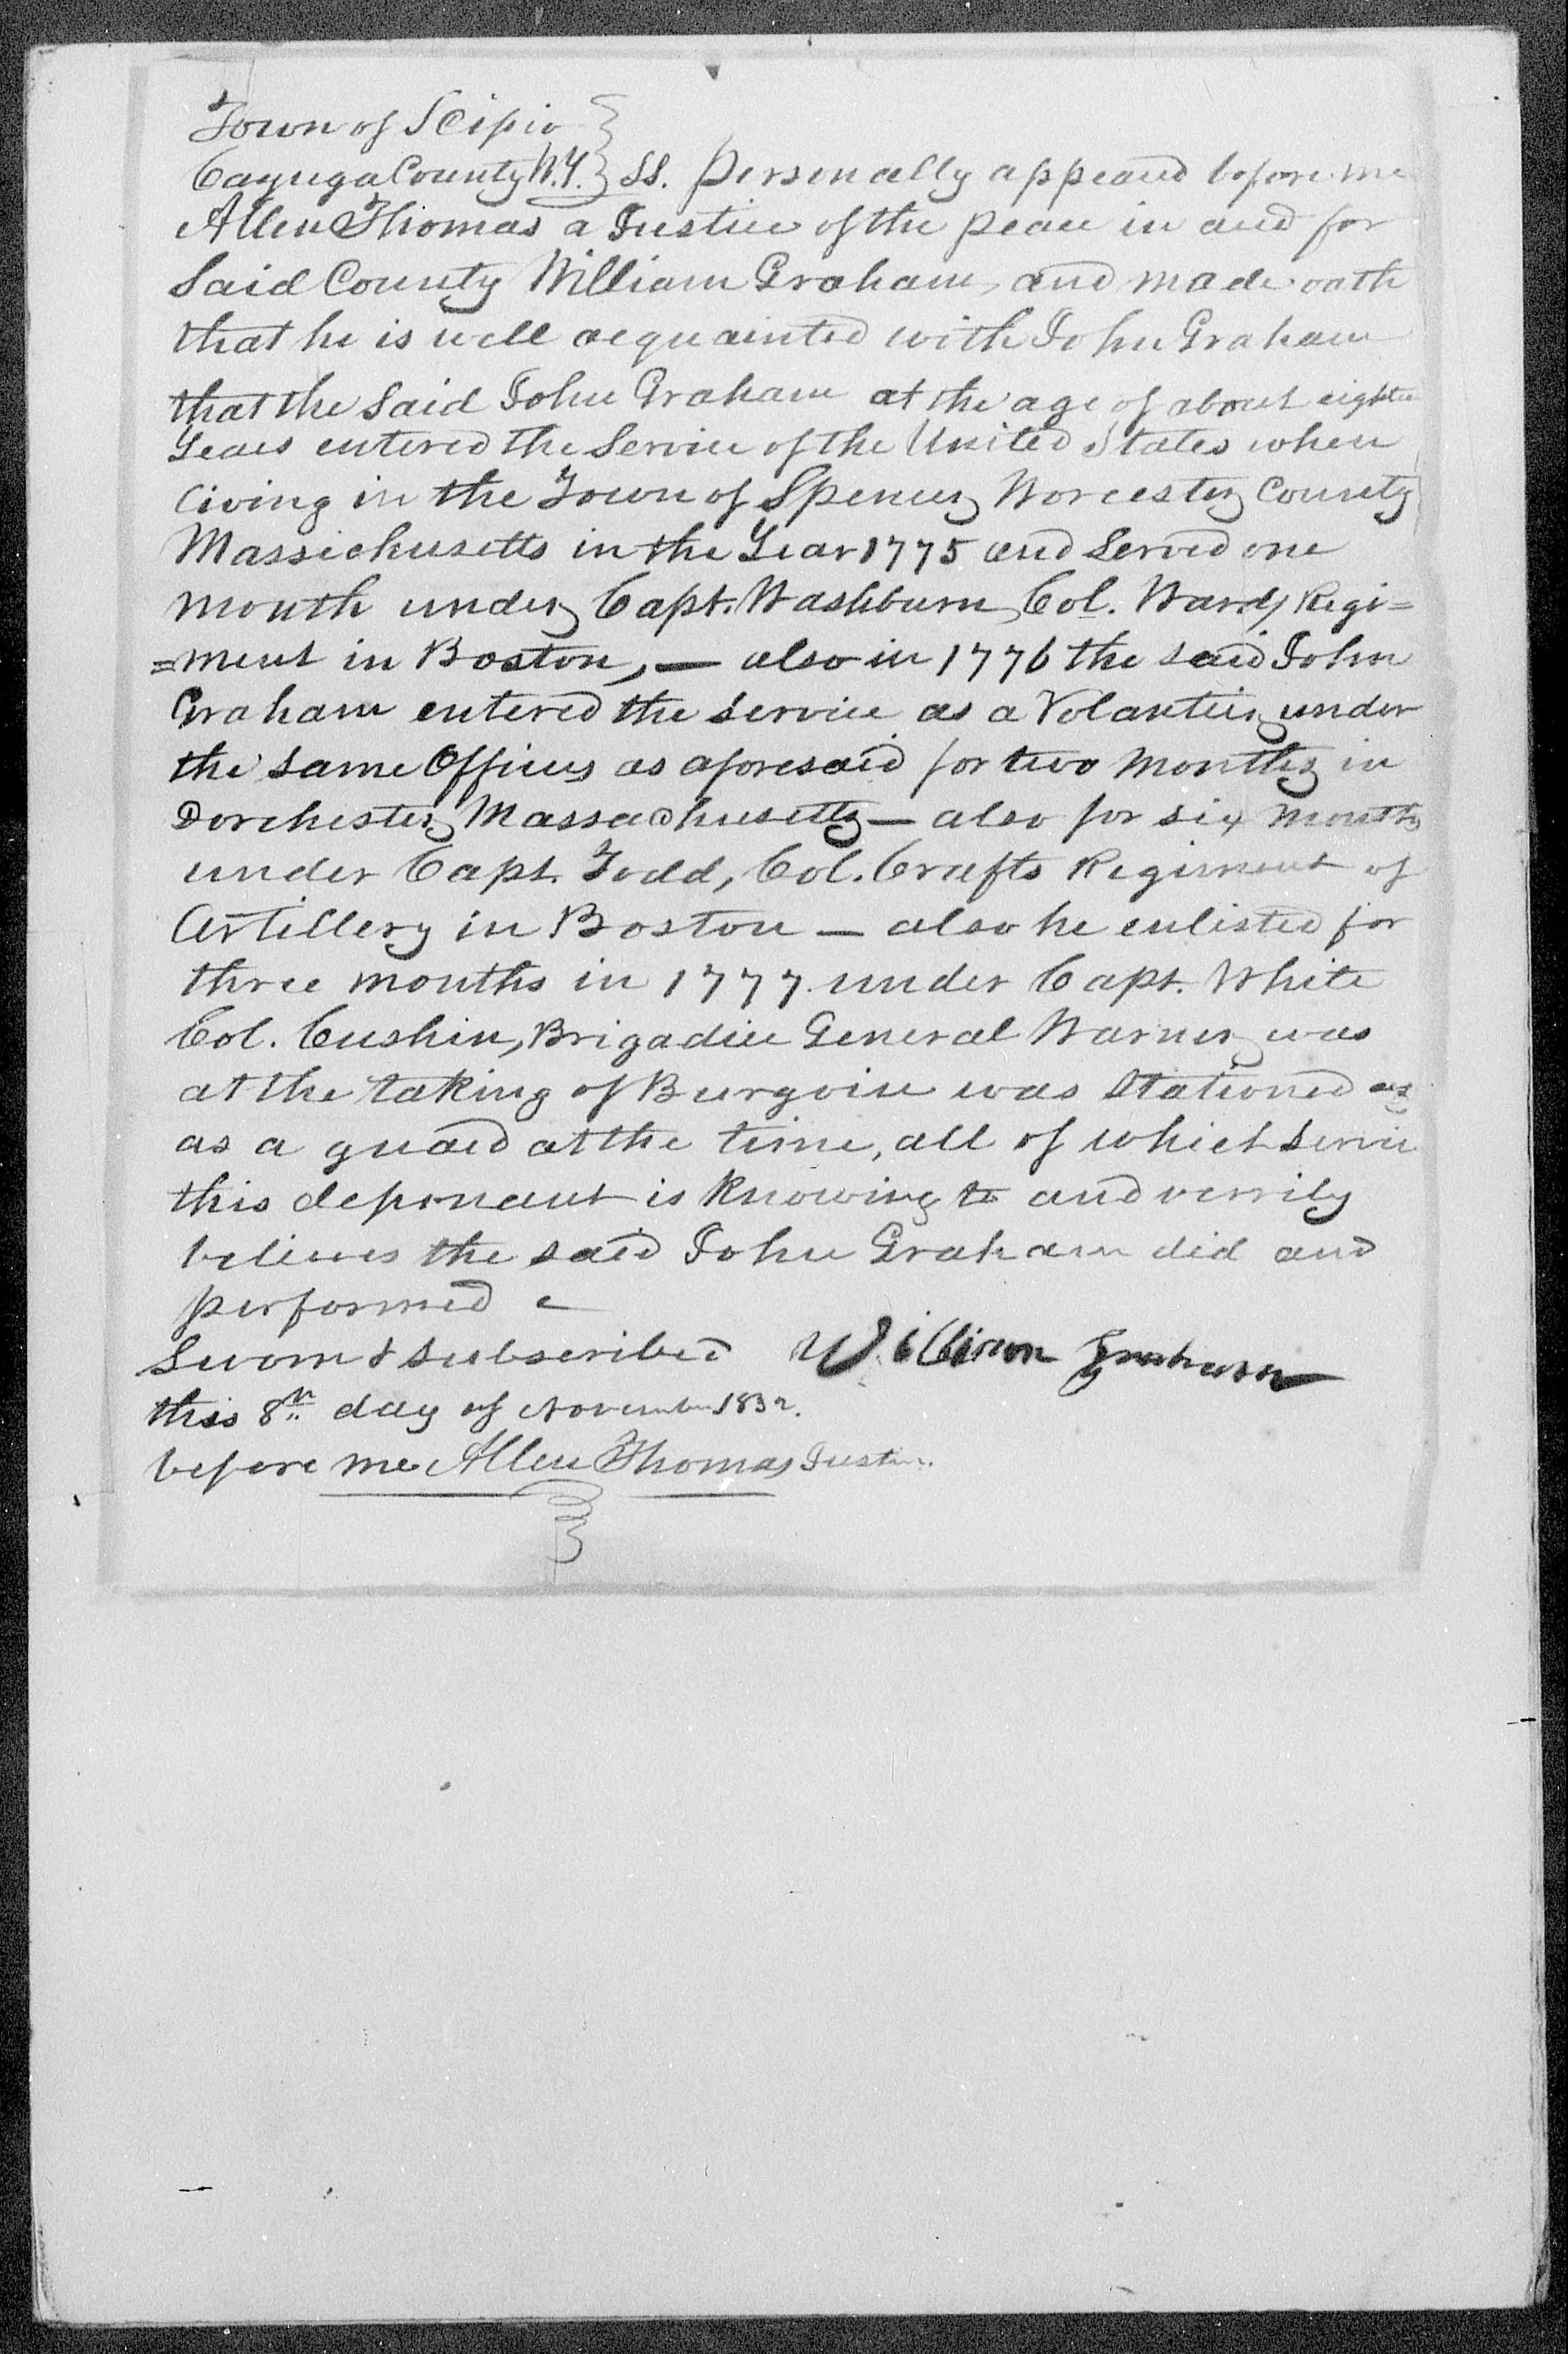Town of Scipio
Cayuga County N. Y.} ss.
Personally appeared before me Allen Thomas a justice of the Peace in and for said County William Graham, and made oath that he is well acquainted with John Graham that the said John Graham at the age of about eighteen years entered the service of the United States when living in the town of Spencer, Worcester County Massichusetts (Massachusetts) in the year 1775 and served one month under Capt. Washburn, Col. Wards Regiment in Boston, - also in 1776 the said John Graham entered the service as a volunteer under the same officers as aforesaid for two months in Dorchester, Massachusetts - also for six months under Capt. Todd, Col. Crafts Regiment of Artillery in Boston - also he enlisted for three months in 1777 under Capt. White, Col. Cushin (Cushing), Brigadier General Warner, was at the taking of Bungoise (Burgoyne) was stationed as a guard at the time, all of which service this deponant (deponent) is knowing to and verrily (verily) believes that said John Graham did and performed.
                                William Graham

Sworn & subscribed this 8th day of November 1832 before me Allen Thomas Justice.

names: Allen Thomas, William Graham, Todd, John Graham, White, John Graham, Warner, Cushin, Washburn, John Graham, William Graham, Allen Thomas, John Graham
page: 7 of 28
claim: survivor's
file: S. 22799, John Graham, Mass